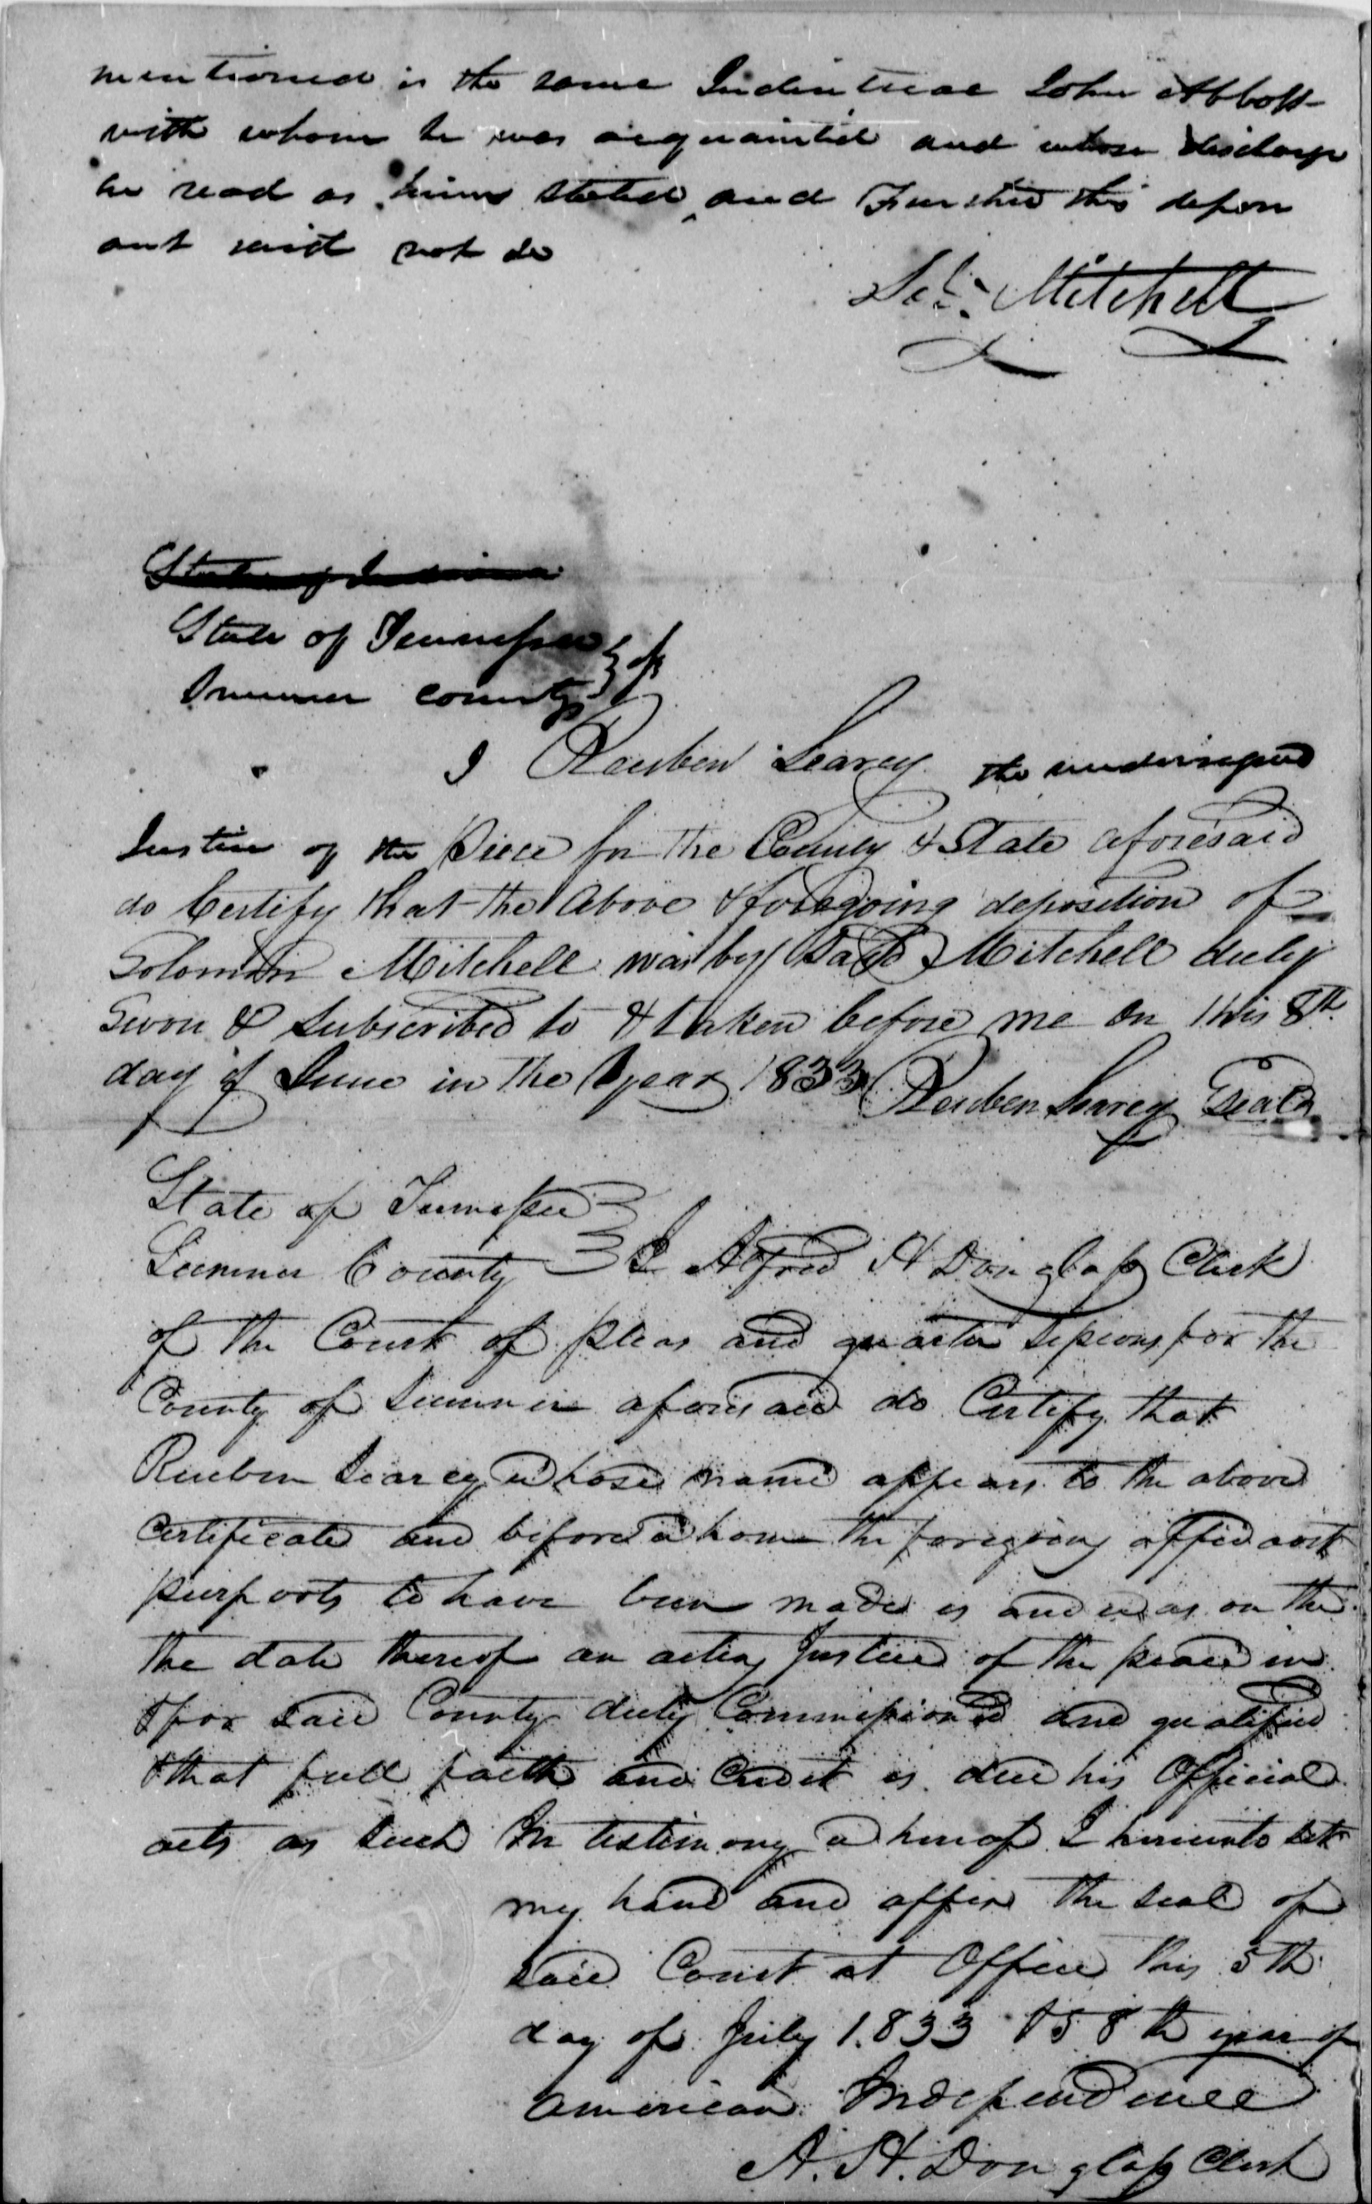mentioned is the same Identical John Abbott
with whom he was acquainted and whose discharge
he read as here stated and further this deponent with not do
Sol. Mitchell

State of Tennessee
Sumner County 

I Reuben Searcy the undersigned Justice of the peace for the County & State aforesaid
Certify that the above & foregoing deposition of
Thomas Mitchell was by said Mitchell duly
sworn & Subscribed to & taken before me on this 8th
of June in the year 1833 
Reuben Searcy seal

State of Tennessee
Sumner County 
I, Alfred H Douglass Clerk
of the Court of Pleas and quarter sessions for the
County of Sumner aforesaid do certify that
Reuben Searcy whose name appears to the above
certificate and before whom the foregoing affidavit
purports to have been made is and was on the
the date thereof an acting Justice of the peace in
for said County duly Commissioned and qualified
that full faith and credit is due his official
acts as such
In testimony whereof I hereunto set
my hand and affix the seal of
said Court at Office this 5th
day of July 1833 58th year of
American Independence
A. H. Douglass Clerk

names: Reuben Searcy, Reuben Searcy, John Abbott, A H Douglass, Reuben Searcy, Sol Mitchell, Mitchell, Solomon Mitchell, Alfred H Douglass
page: 22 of 35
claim: survivor's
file: S. 32089, John Abbott, Continental N. C.